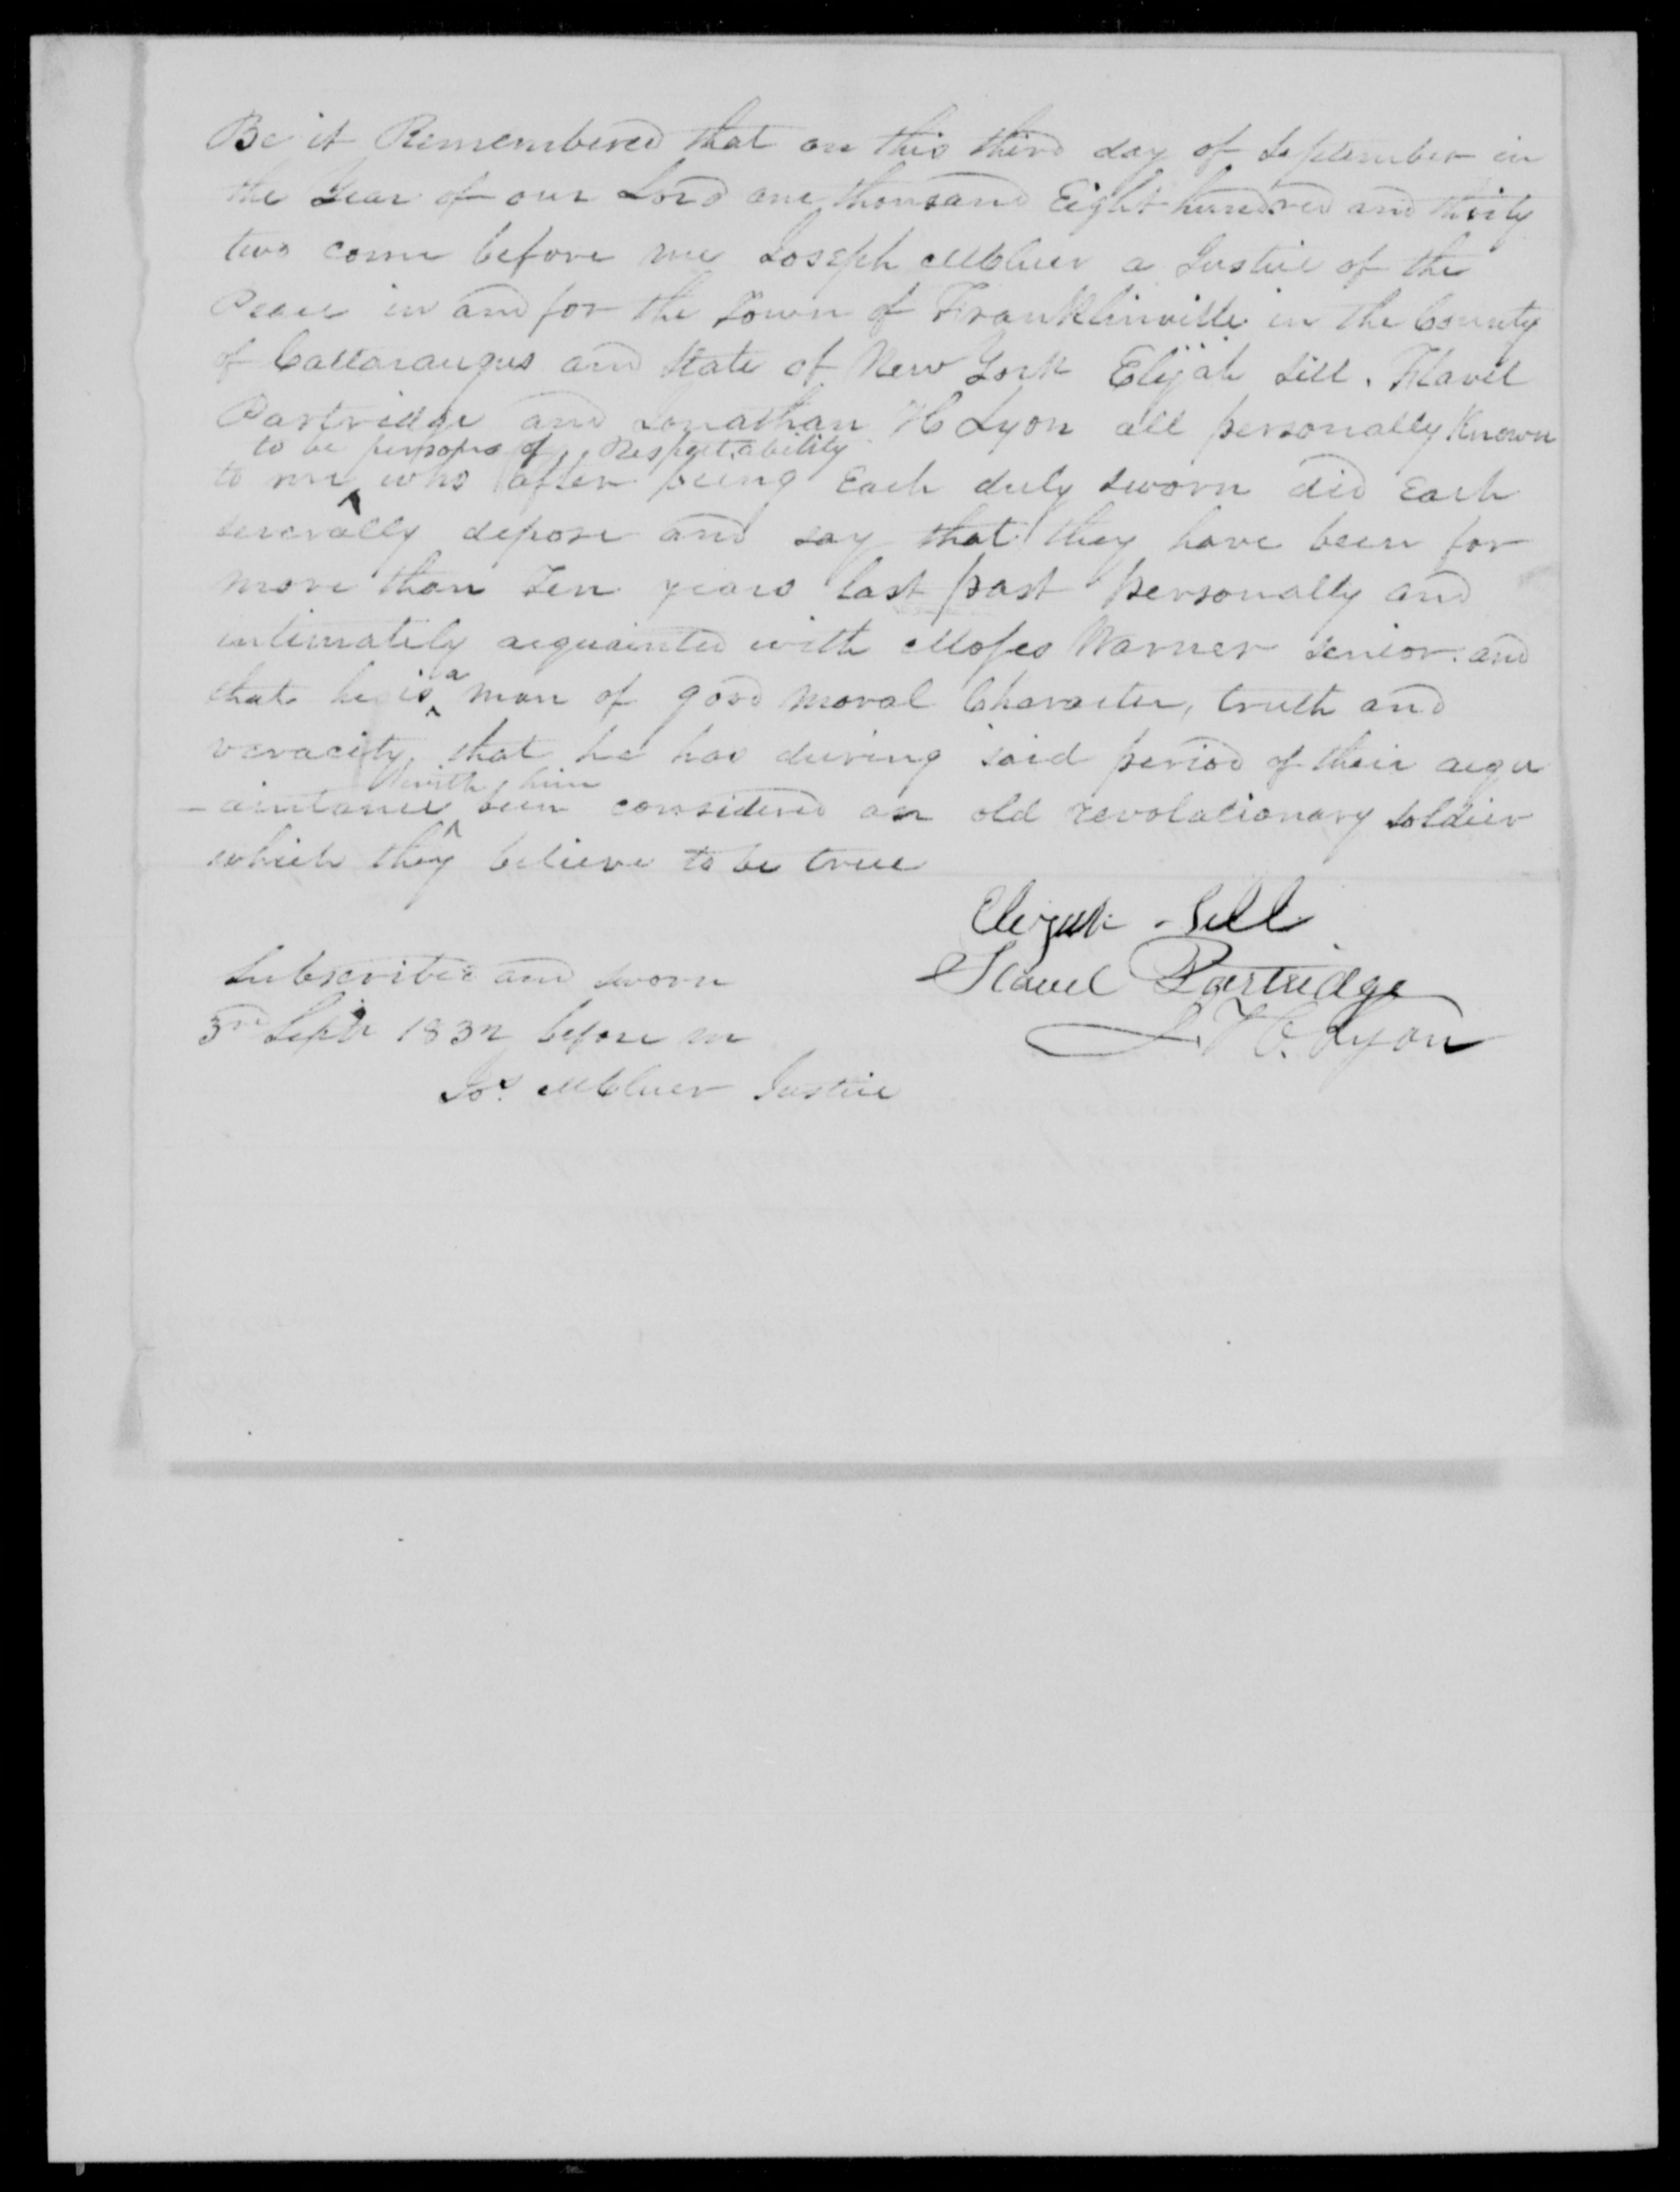Be it Remembered that on this third day of September in
the Year of our Lord one thousand Eight hundred and thirty
two come before me Joseph McClair a Justice of the
Peace in and for the Town of Franklinville in the County
of Cattaraugus in the State of New York Elijah Sill, Flavel
Partridge and Jonathan H Lyon all personally known
to be persons of respectability
to me, who after being each duly sworn did each
severally depose and say that they have been for
more than Ten years last past  personally and 
intimately acquainted with Moses Warner senior and
that he is a man of good moral character, truth and
veracity that he has during said period of their acqu-
-aintance with him been considered an old revolutionary soldier
which they believe to be true
Elijah Sill
Flavel Partridge
J H Lyon

Subscribed and sworn
3rd Septr 1832 before me
Jos McClair Justice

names: Moses Warner, Flavel Partridge, Jonathan H Lyon, Jos Mc Clair, Elijah Sill, Flavel Partridge, Joseph Mc Clair, Elijah Sill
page: 21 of 40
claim: widow's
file: W. 3742, Moses Warner, Conn.